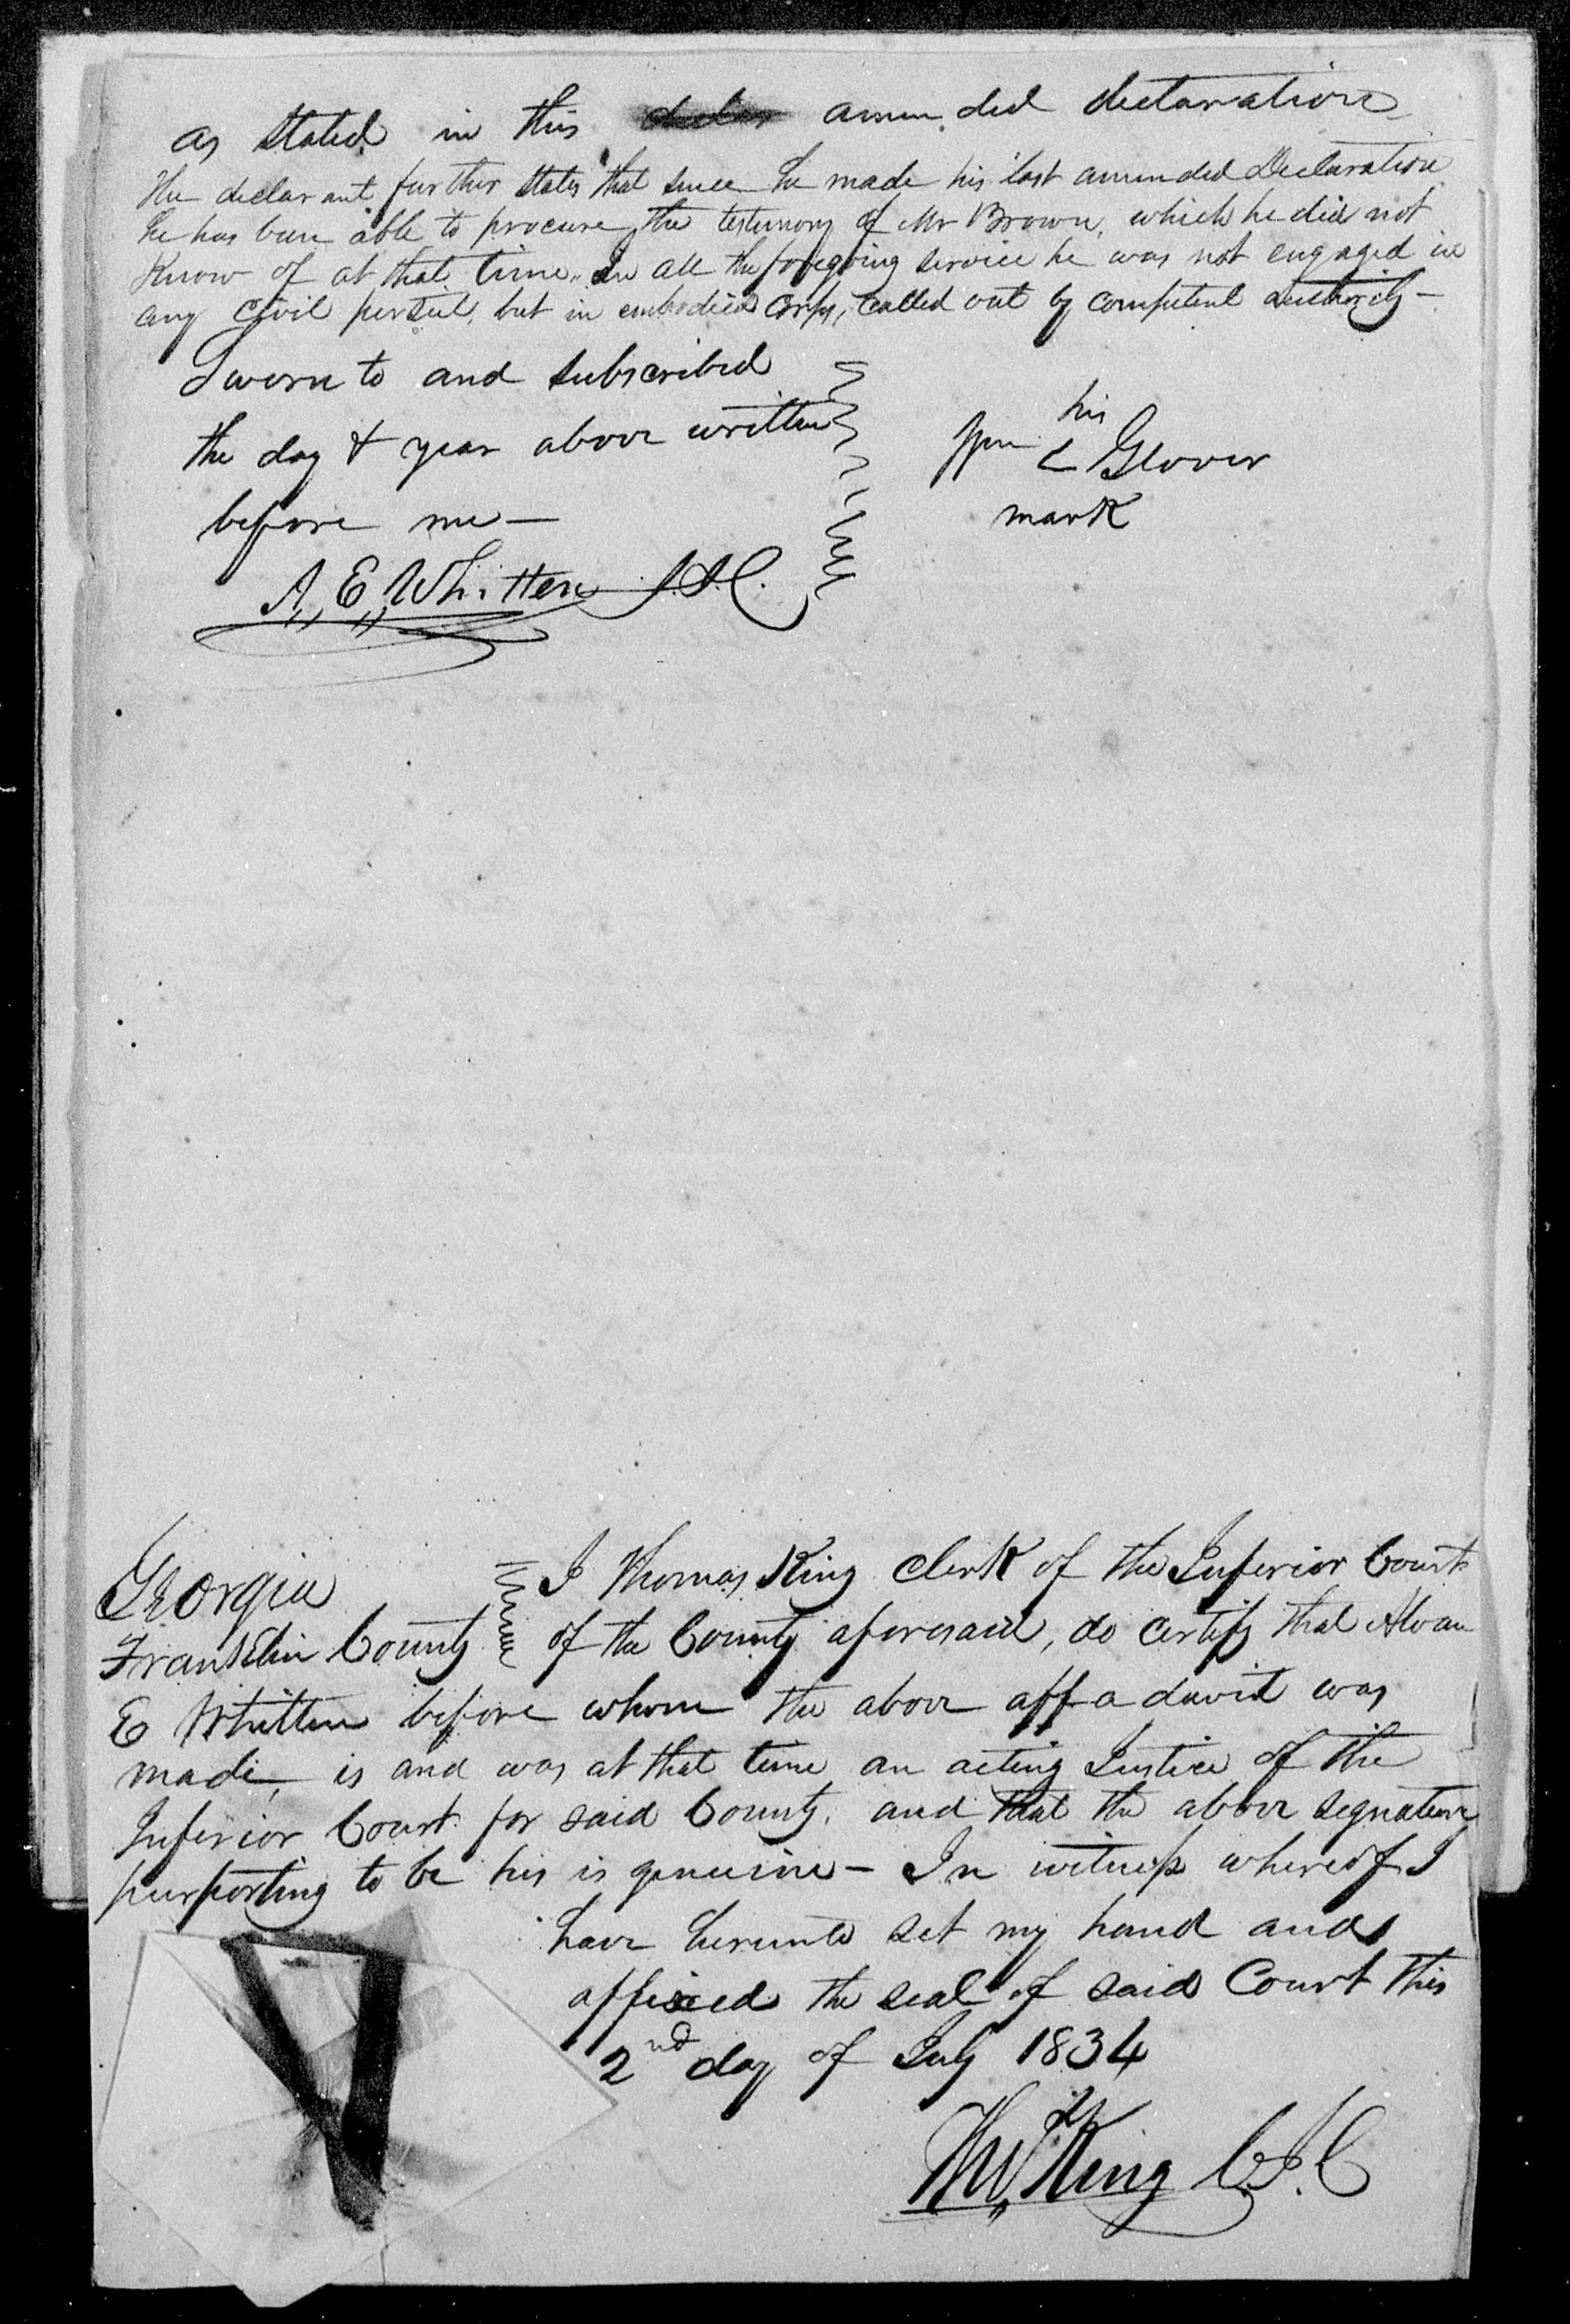as stated in this amended declaration 
He declarant further states that since he made his last amended Declaration he has been able to procure the testimony of Mr. Brown which he did  not know of at that time In all the foregoing service he was not engaged in any civil pursuit but in embodied conflict, called out by competent authority-

Sworn to and subscribed}
the day & year above written}
before me-}
A.E.Whitten J,I,C}

            his
William ^Glover
            mark


Georgia}
Franklin County}

I Thomas King Clerk of the Superior Court of the County aforeward, do certify that Alvan E Whitten before whom the above affadavit way made is and was at that time an acting Justice of the Inferior Court for said county, and that the  above signatory purporting to be his is genuine-In witness whereof I have thereunto set my hand and affixed the seal of said Court this 2nd day of July 1834

Thos King C.I.C.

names: Brown, A E Whitten, Wm Glover, Thomas King, Alvan E Whitten, Thos King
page: 41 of 51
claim: widow's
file: W. 929, William Glover, N.C.